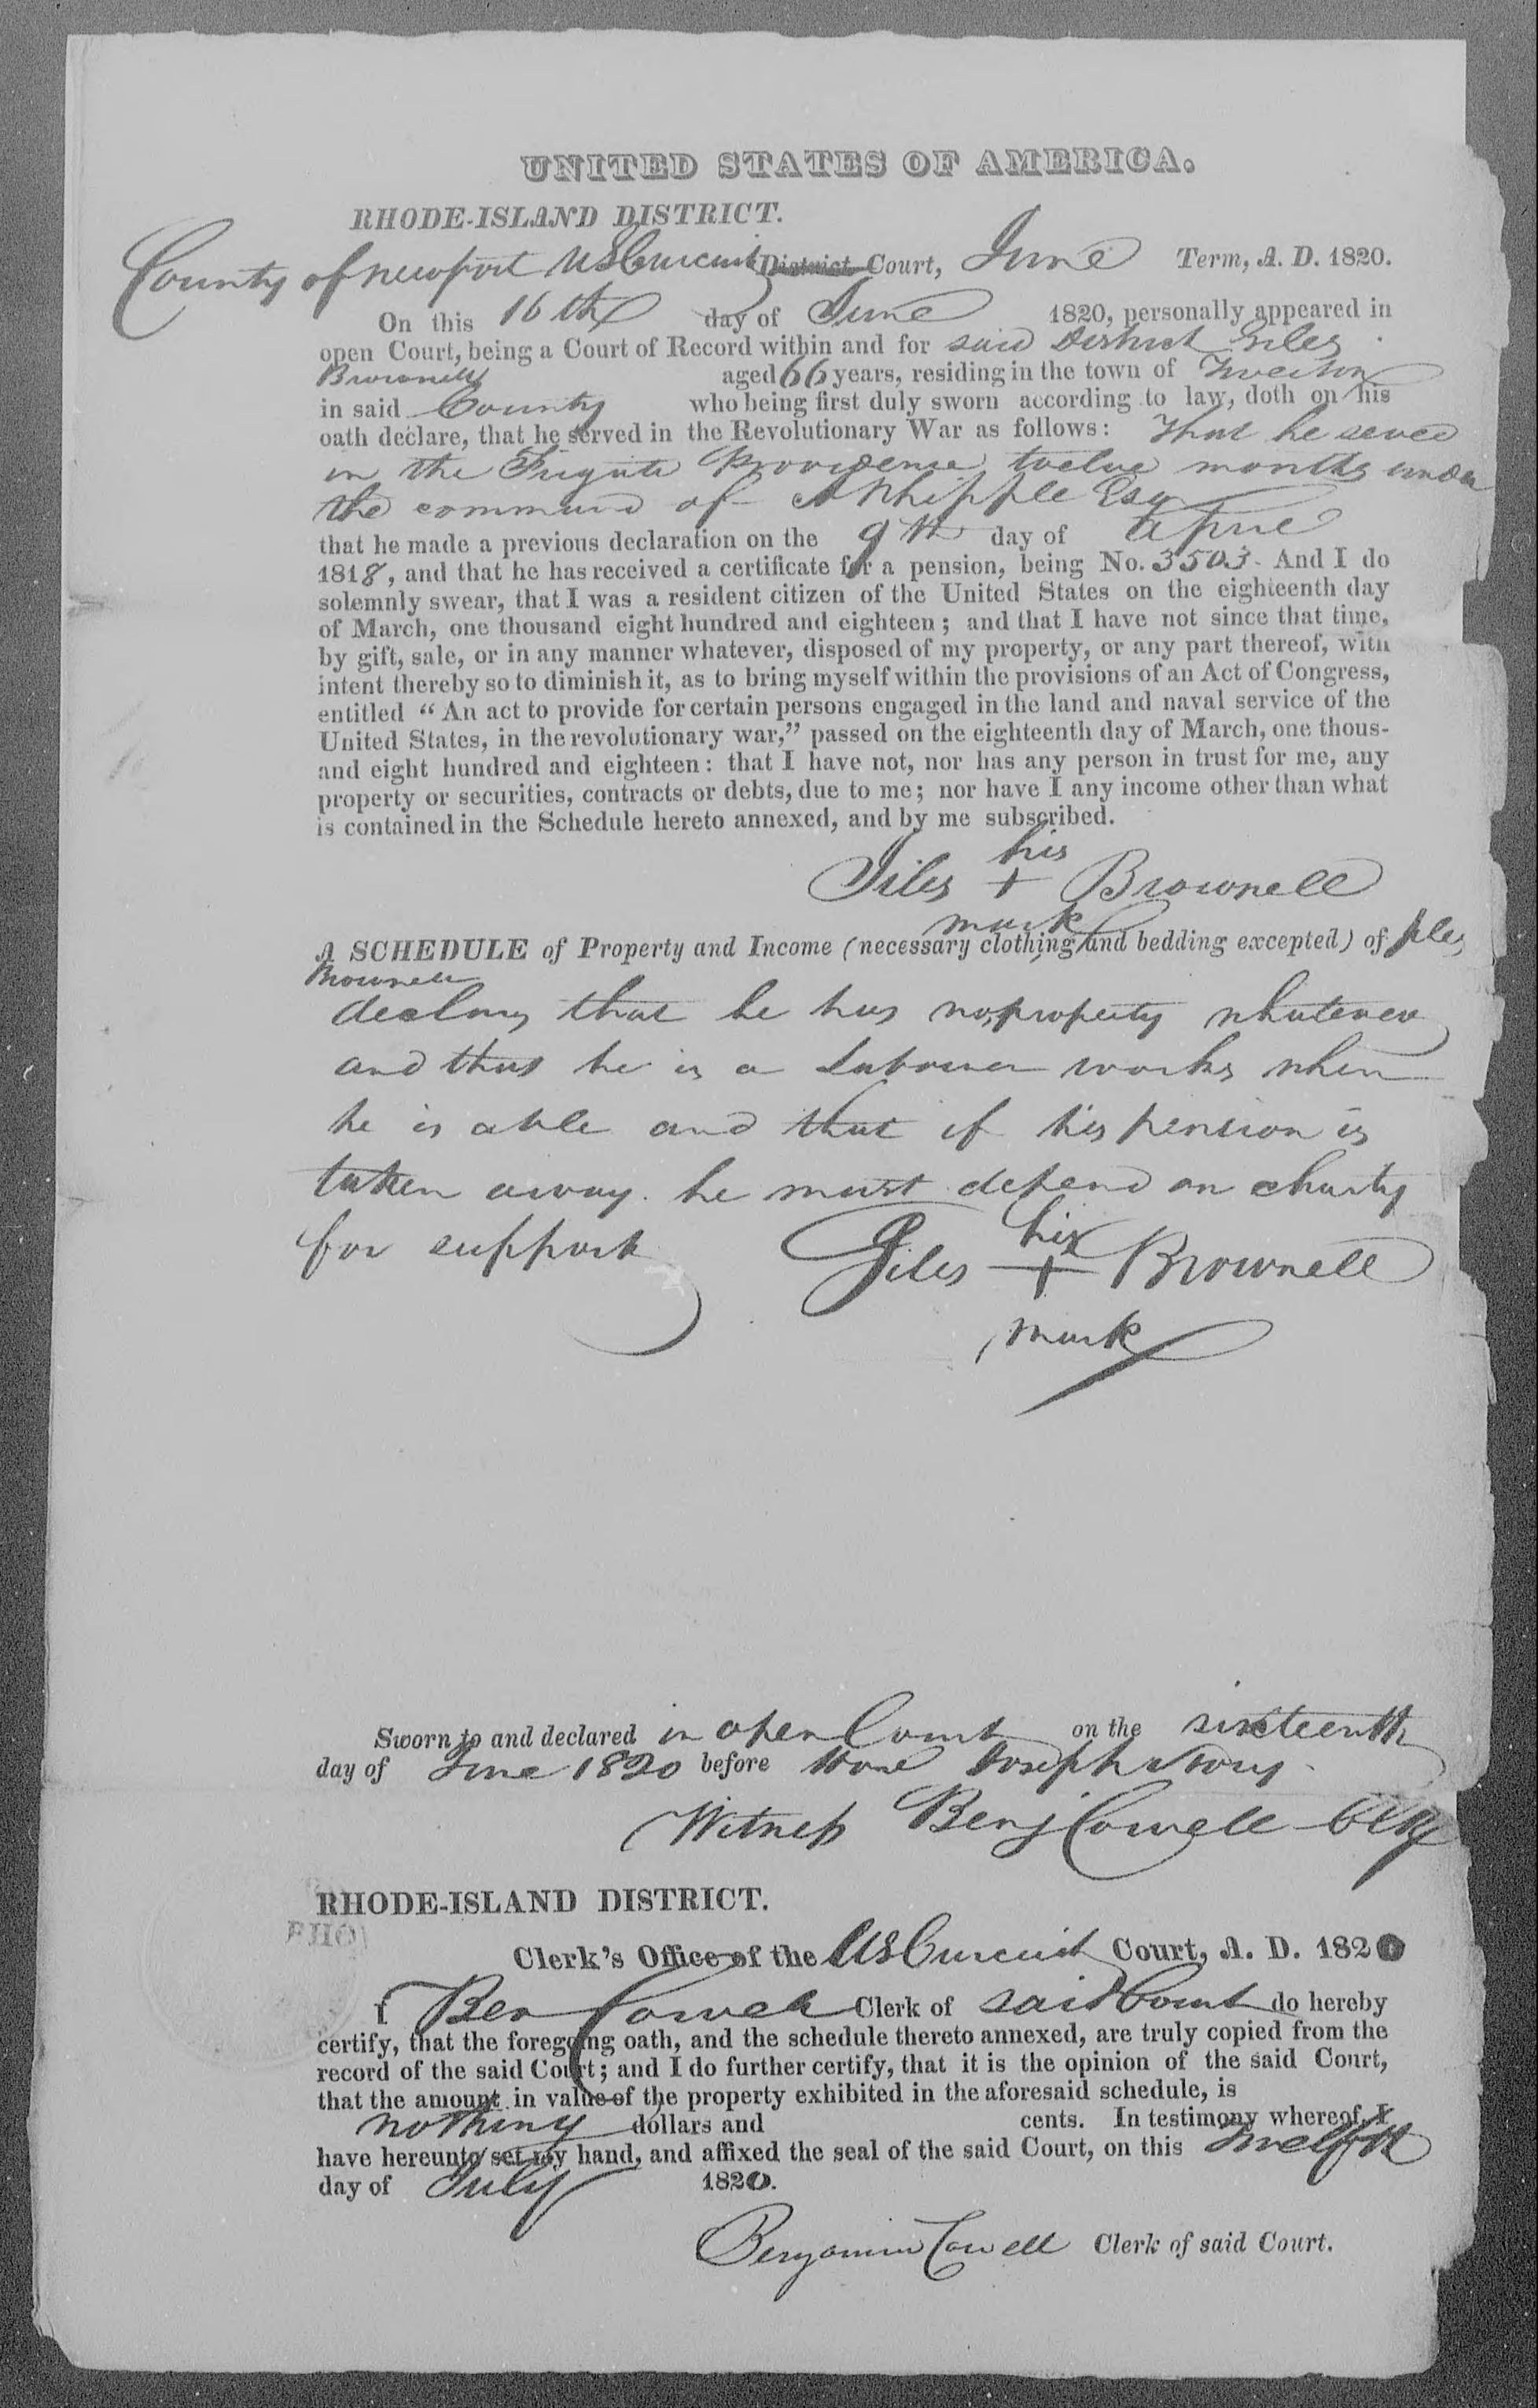[Form with {handwritten insert}]

UNITED STATES OF AMERICA
RHODE ISLAND DISTRICT
{Count of Newport US Circuit} [crossed through: District] Court, {June} Term, A. D. 1820.
On this {16th} day of {June} 1820, personally appeared in open Court, being a Court of Record within and for {said District Giles Brownell} aged {66} years, residing in the town of {Tiverton} in said {County} who being first duly sworn according to law, doth on his oath declare, that he served in the Revolutionary War as follows: {that he served on the Frigate Providence twelve months under the command of A Whipple Esq} that he made a previous declaration on the {9th} day of {April} 181{8}, and that he has received a certificate for a pension, being No. {3503}. And I do solemnly swear, that I was a resident citizen of the United States on the eighteenth day of March, one thousand eight hundred and eighteen; and that I have not since that time, by gift, sale, or in any manner whatever, disposed of property, or any part thereof, with intent thereby so to diminish it, as to bring myself within the provisions of an Act of Congress, entitled "An act to provide for certain persons engaged in the land and naval service of the United States, in the revolutionary war," passed on the eighteenth day of March, one thousand and eight hundred and eighteen: that I have not, nor has any person in trust for me, any property or securities, contracts or debts, due to me; nor have I any income other than what is contained in the Schedule hereto annexed, and by me subscribed.
[signature]
{Giles his X mark Brownell}
A SCHEDULE of Property and Income (necessary clothing and bedding excepted) of {Giles Brownell declaring that he has no property whatever, and that he is a labourer works when he is able and that if his pension is taken away he must depend on charity for support}
[signature]
Giles his X mark Brownell
Sworn to and declared {in open Court} on the {sixteenth} day of {June 1820} before {Hon Joseph [Lowry?]}
{Witness Benj Cowell Clk}
RHODE ISLAND DISTRICT
Clerk's Office of the {US Circuit} Court, A. D. 182{0}
I {Ben Cowell} Clerk of {said Court} do hereby certify, that the foregoing oath, and the schedule thereto annexed, are truly copied from the record of the said Court; and I do further certify, that it is the opinion of the said Court, that the amount in value of the property exhibited in the aforesaid schedule, is {nothing} dollars and [blank] cents. In testimony whereof, I have hereunto set my hand, and affixed the seal of the said Court, on this {twelfth} day of {July} 182{0}.
[signature]
{Benjamin Cowell} Clerk of said Court.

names: Jiles Brownell, Giles Brownell, Benjamin Cowell, Benj Cowell, Ben Cowell, A Whipple, Joseph Avery, Giles Brownell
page: 11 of 12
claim: survivor's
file: S. 38579, Giles Brownell, Continental (R.I.) Navy